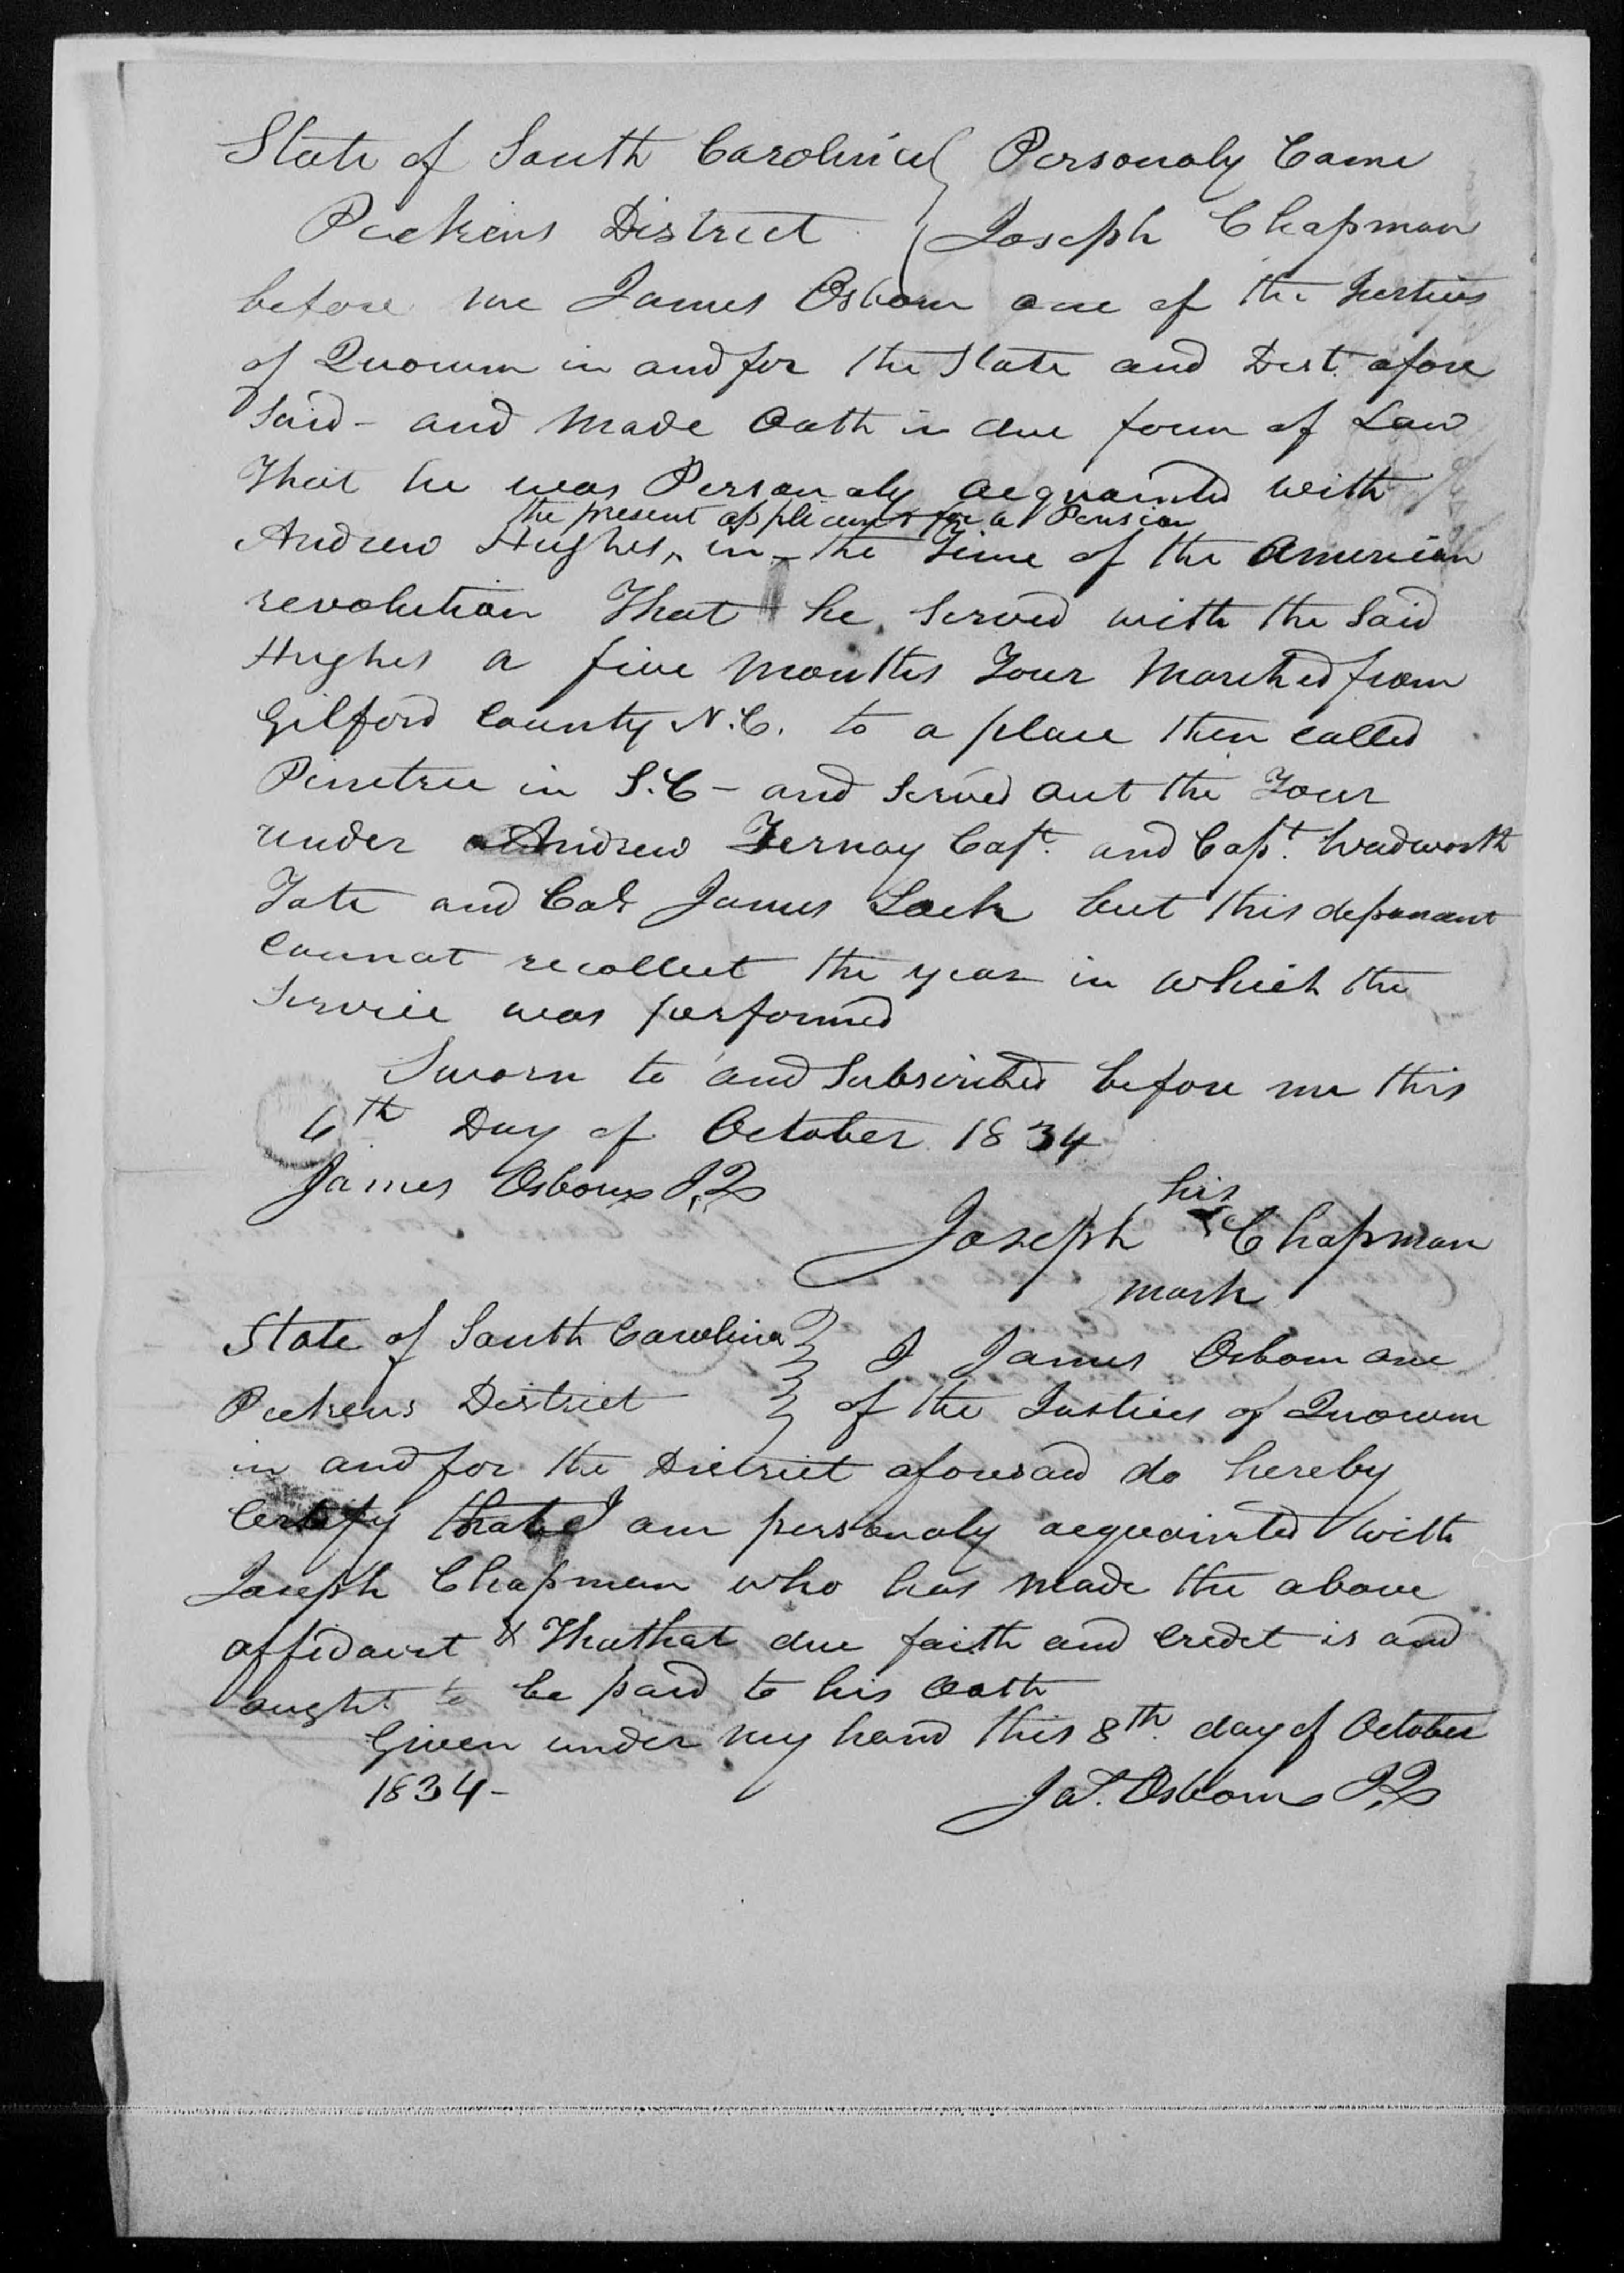State of South Carolina Personaly Came
Pickens District Joseph Chapman
before me James Osborn one of the Justices
of Quorum in and for the State and Dist afore
said- and made Oath in due form of Law
That he was Personaly acquainted with
the present applicant for a Pension
Andrew Hughes in the Time of the American
revolution That he served with the said 
Hughes a five months your marched from
Gilford County  N.C. to a place then called
Pinetree in S.C- and served out the your
under Andrew Ternay Capt. and Capt. Wadworth
Tate and Col. James Loch but this deponent
cannot recollect the year in which the
Service was performed
Sworn to and subscribed before me this
6th Day of October 1834
James Osborn J,Q
Joseph his Chapman mark 
["his" above name, "mark" below name]
State of South Carolina
Pickens District
I James Osborn one of the Justices of Quorum
in and for the District aforesaid do hereby
Certify that our personaly acquainted with
Joseph Chapman who has made the above 
affidavit & Hearthat due faith and credit is and
ought to be paid to his oat
Given under my hand this 8th day of October
1834-
Ja. Osborn J,Q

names: James Lack, Wadworth Tate, Andrew Hughes, Joseph Chapman, Andrew Ternay, James Osborn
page: 56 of 75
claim: widow's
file: W. 25805, Andrew Hughes, N.C.